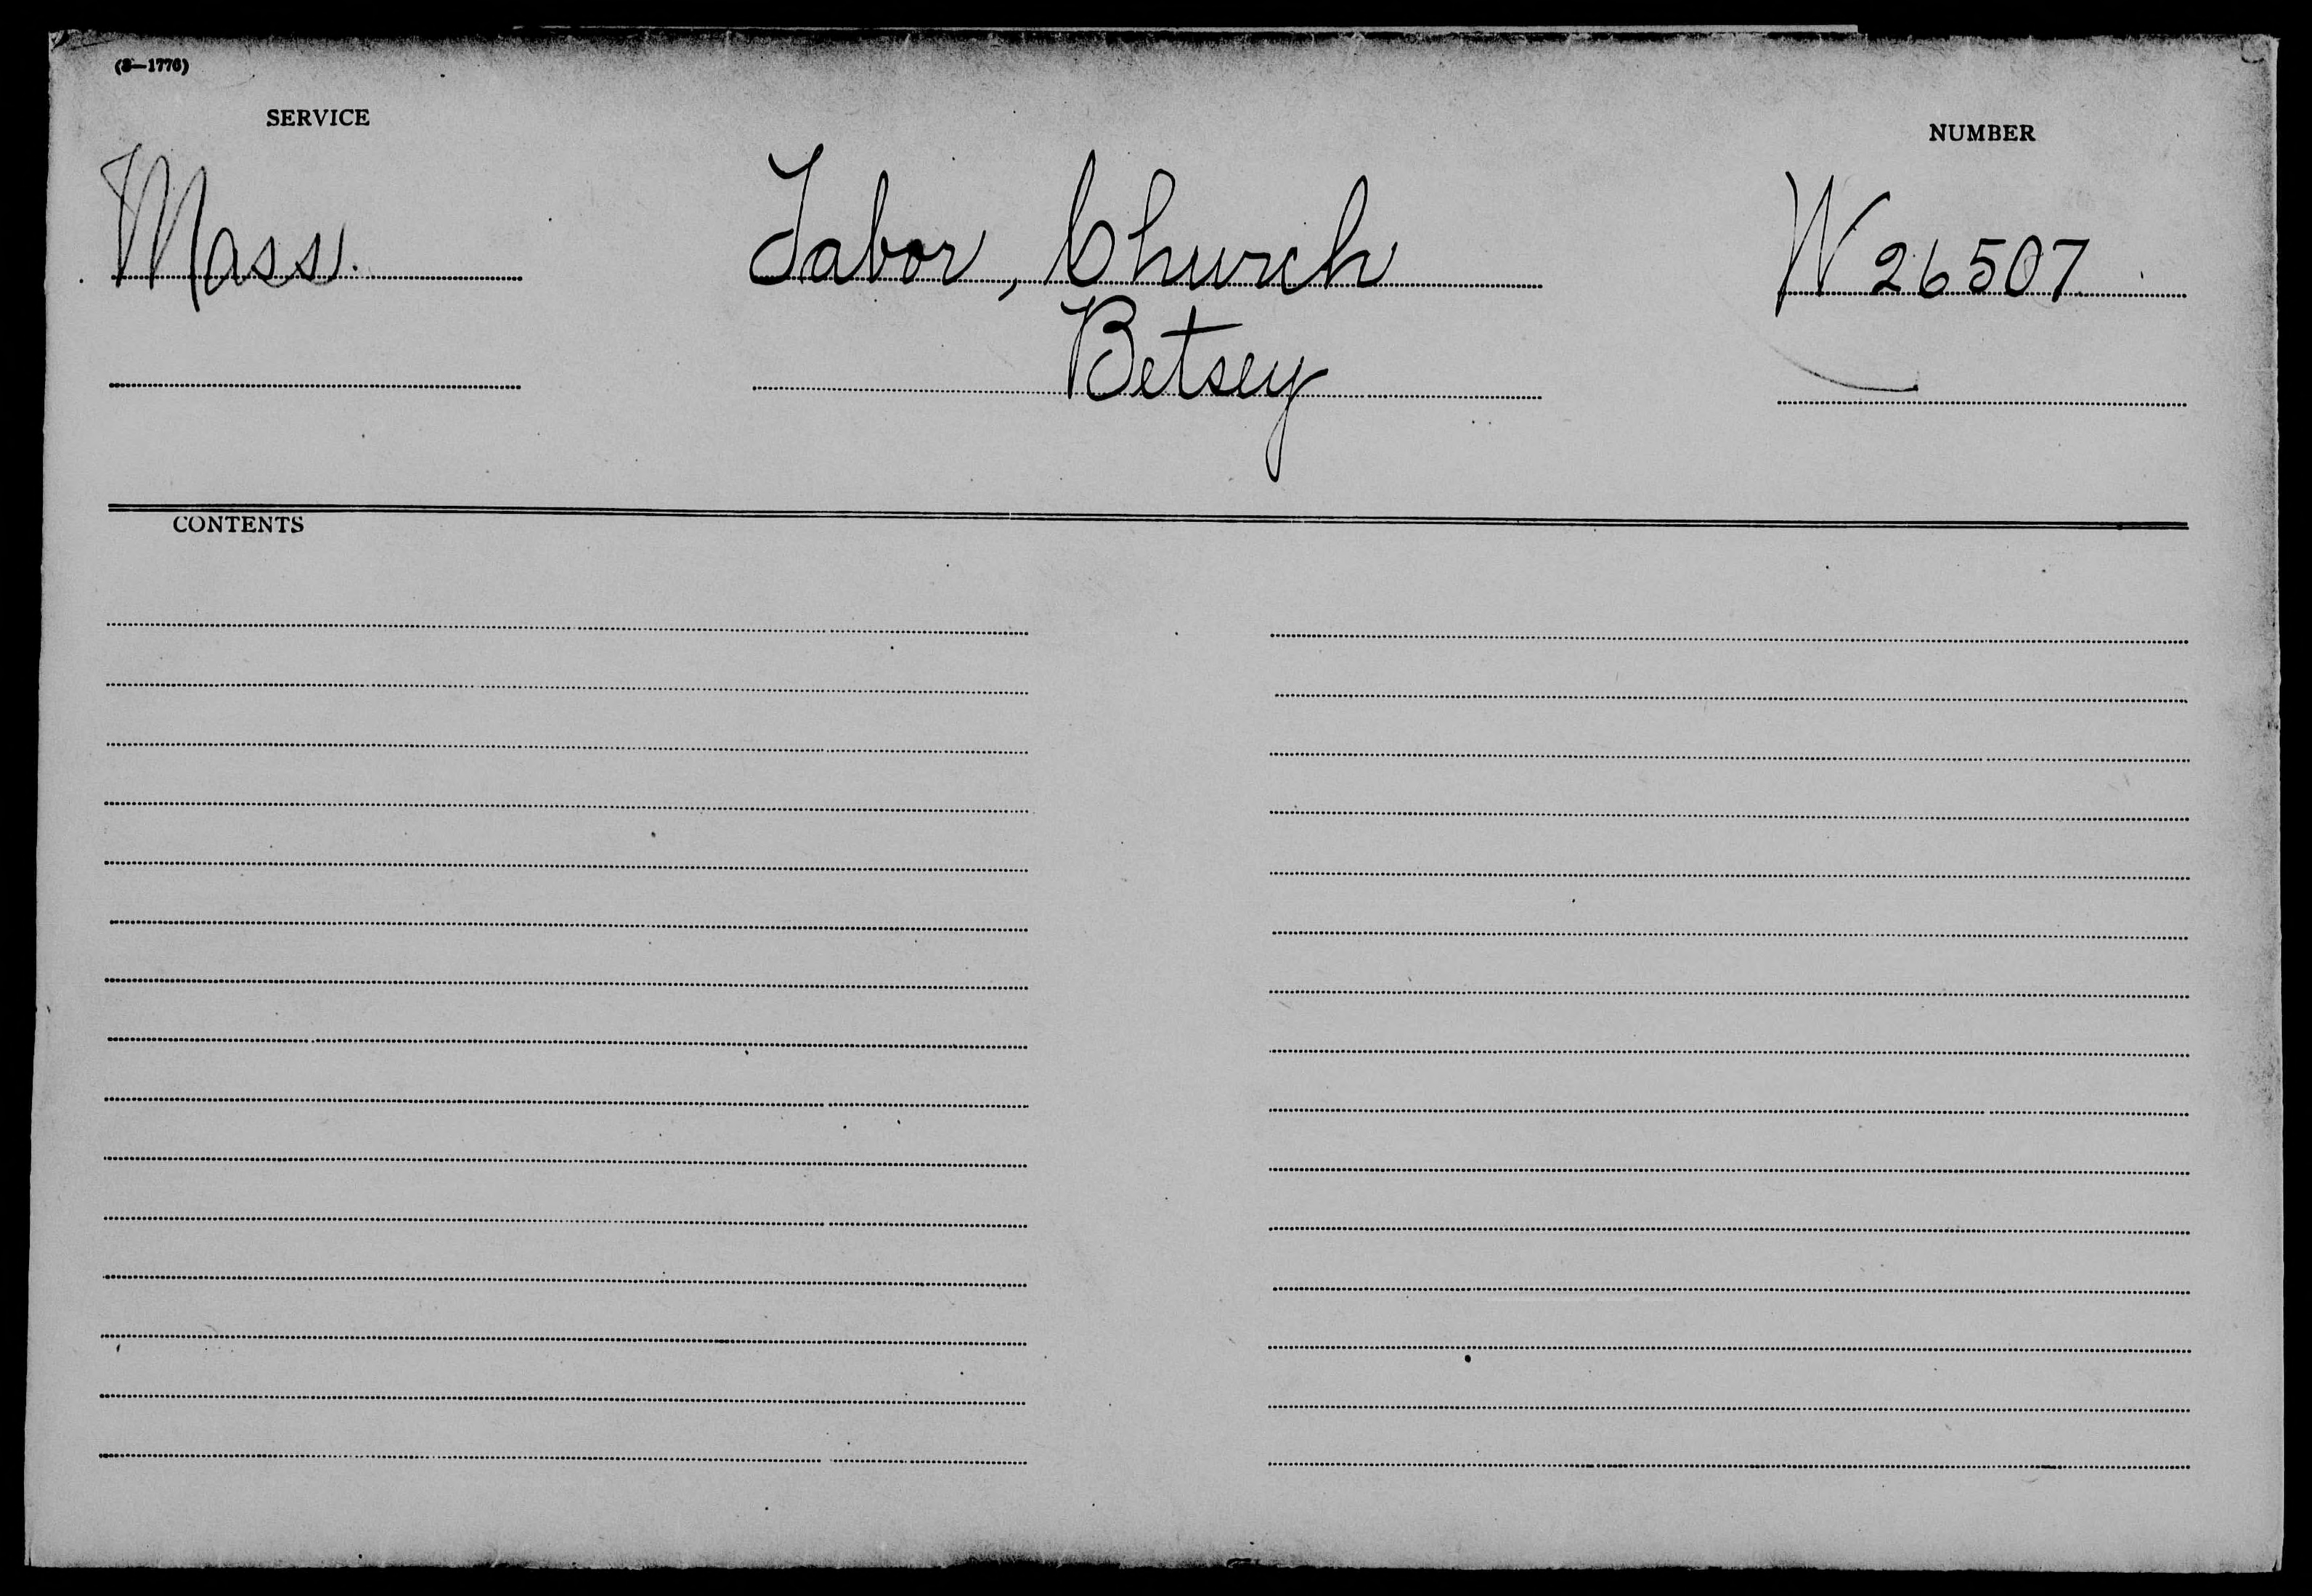(8-1776)

SERVICE 

Mass. 

Tabor, Church
Betsey

NUMBER
W26507

CONTENTS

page: 1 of 41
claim: widow's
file: W 26507, for Church Tabor, Massachusetts